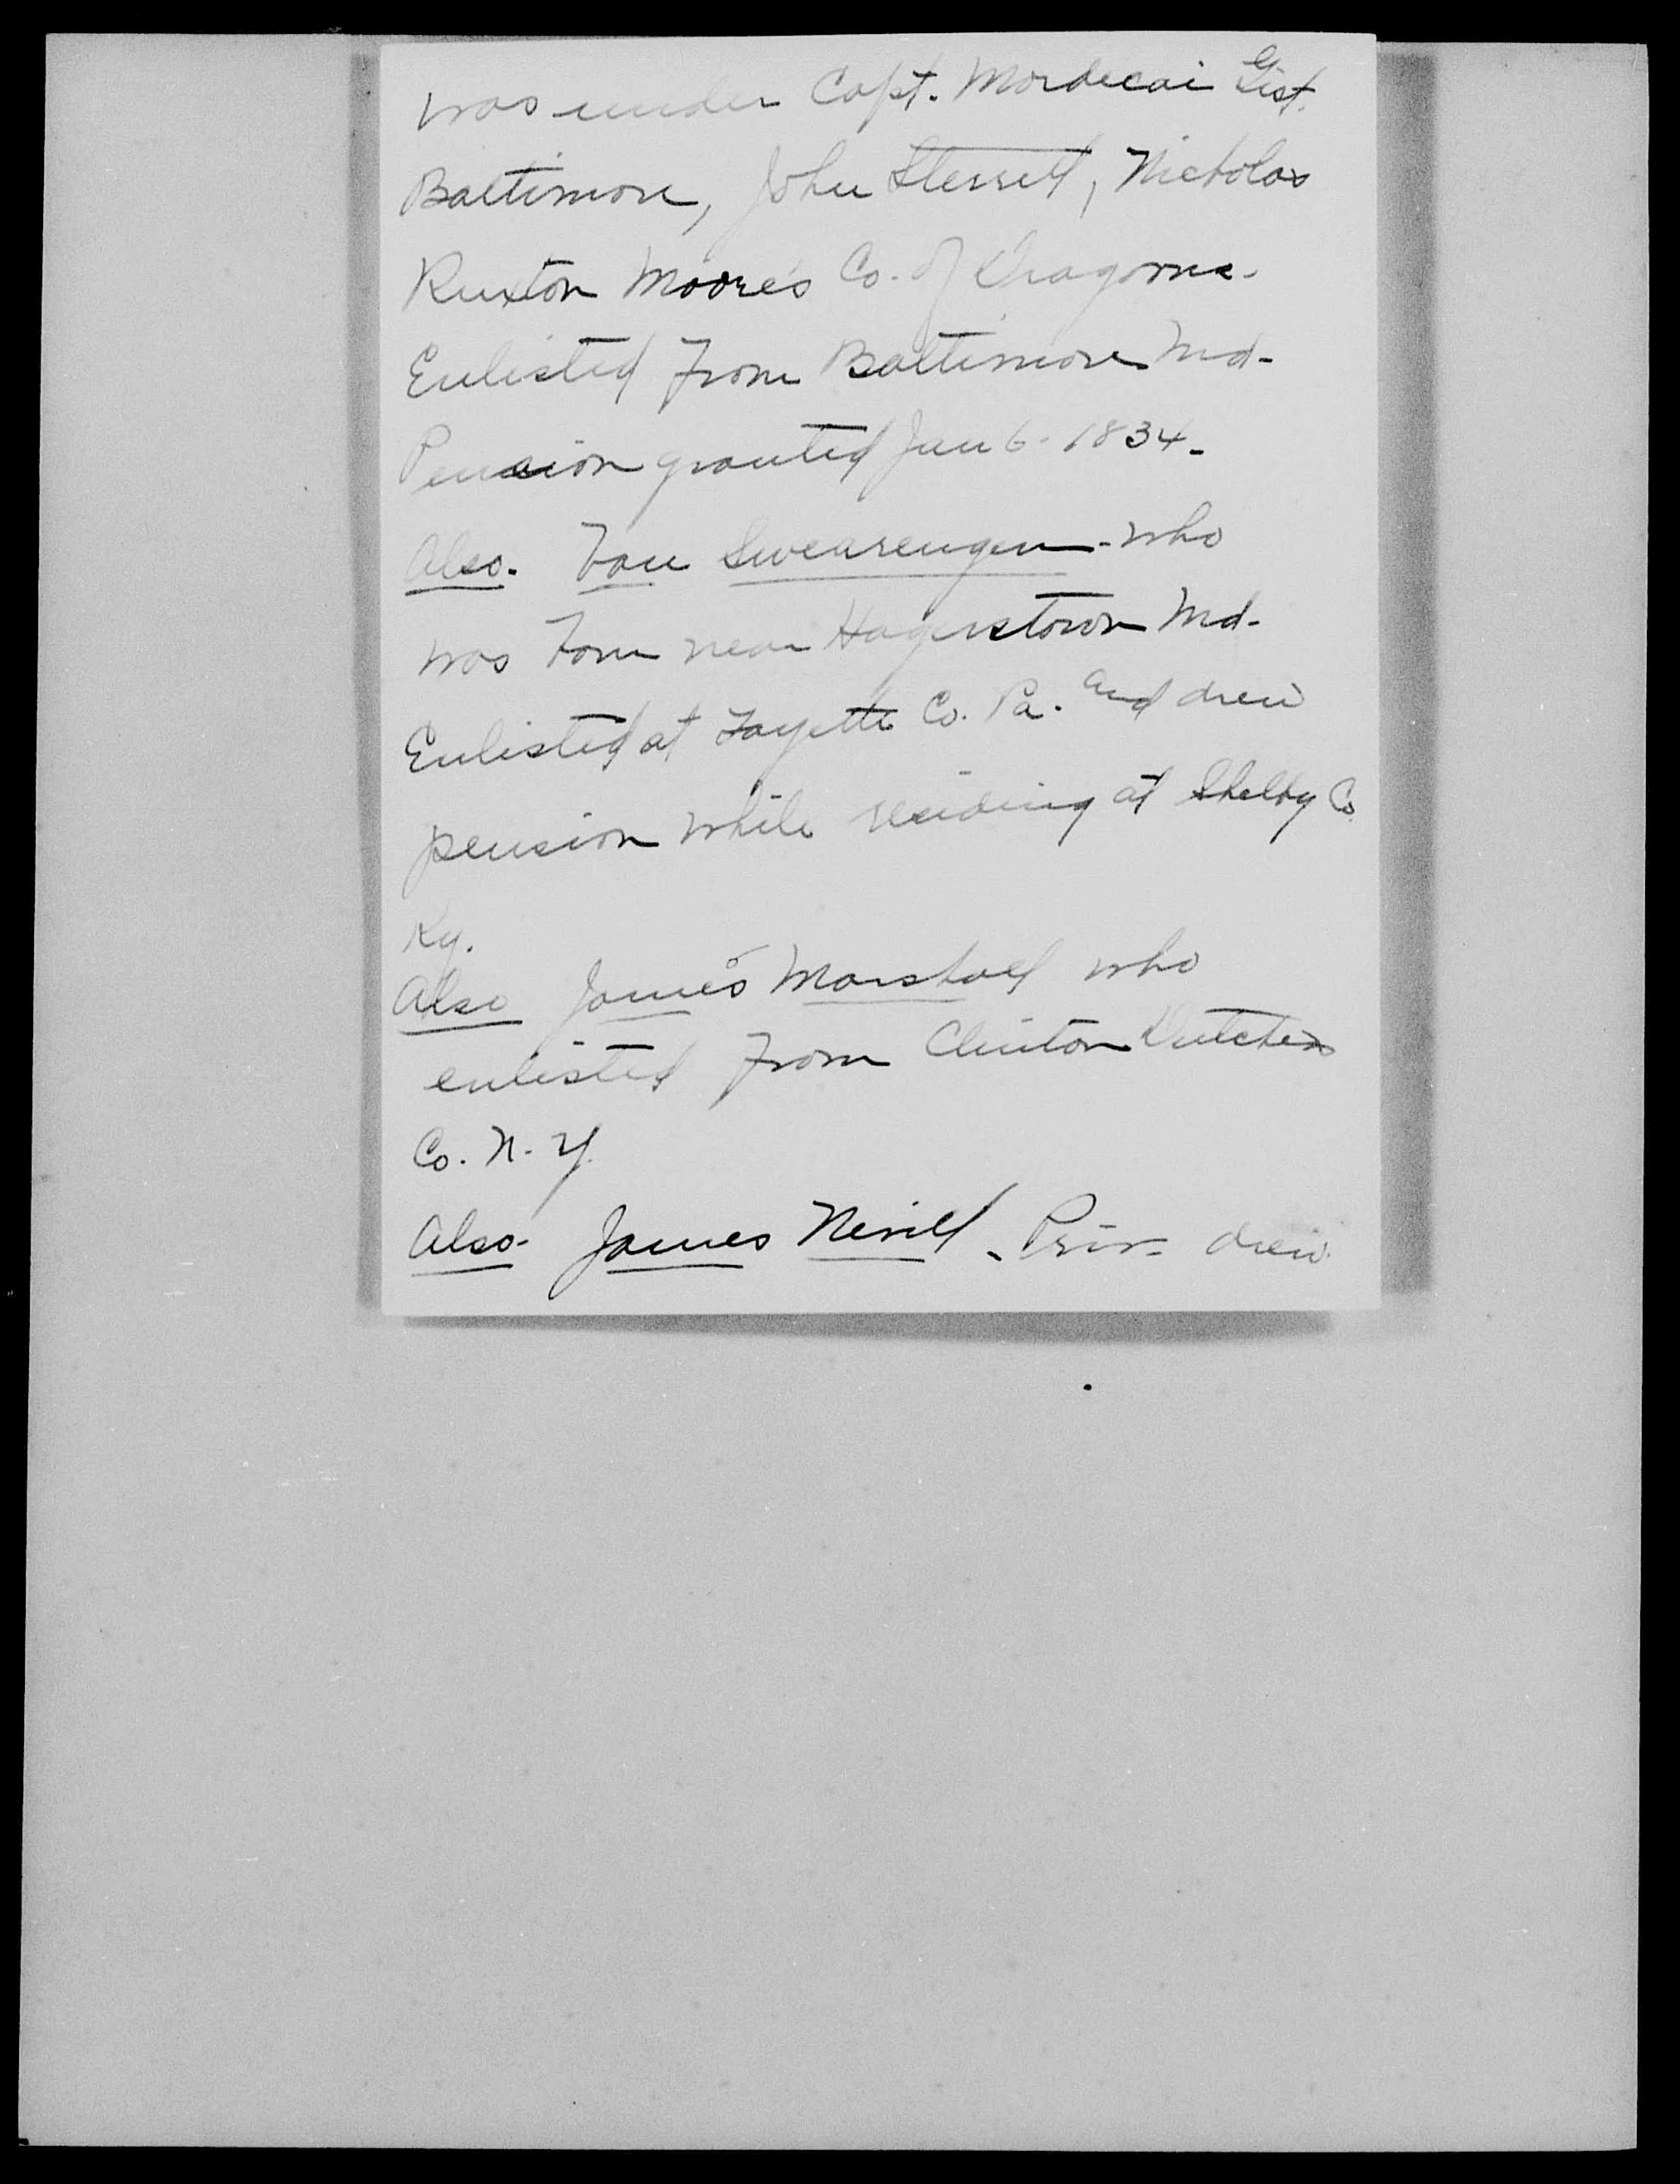was under Capt. Mordecai Gist.
Baltimore, John Sterrett, Nicholas
Ruxton Moore's Co. of Dragoons.
Enlisted from Baltimore Md.
Pension granted Jan 6, 1834.
Also. [fall] Swearingen who
was from near Hagerstown Md.
Enlisted at Fayette Co. Va. and drew
pension while residing at Shelby Co
Ky.
Also James Marshall who
enlisted from
Clinton Dutchess
Co. N.Y.
Also
James Nevill, Priv. drew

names: James Marshall; [BLANK] Von Swearengen; James Nevil; Mordecai Gist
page: 18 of 45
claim: survivor's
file: S. 31294, for Matthew Patton, Maryland